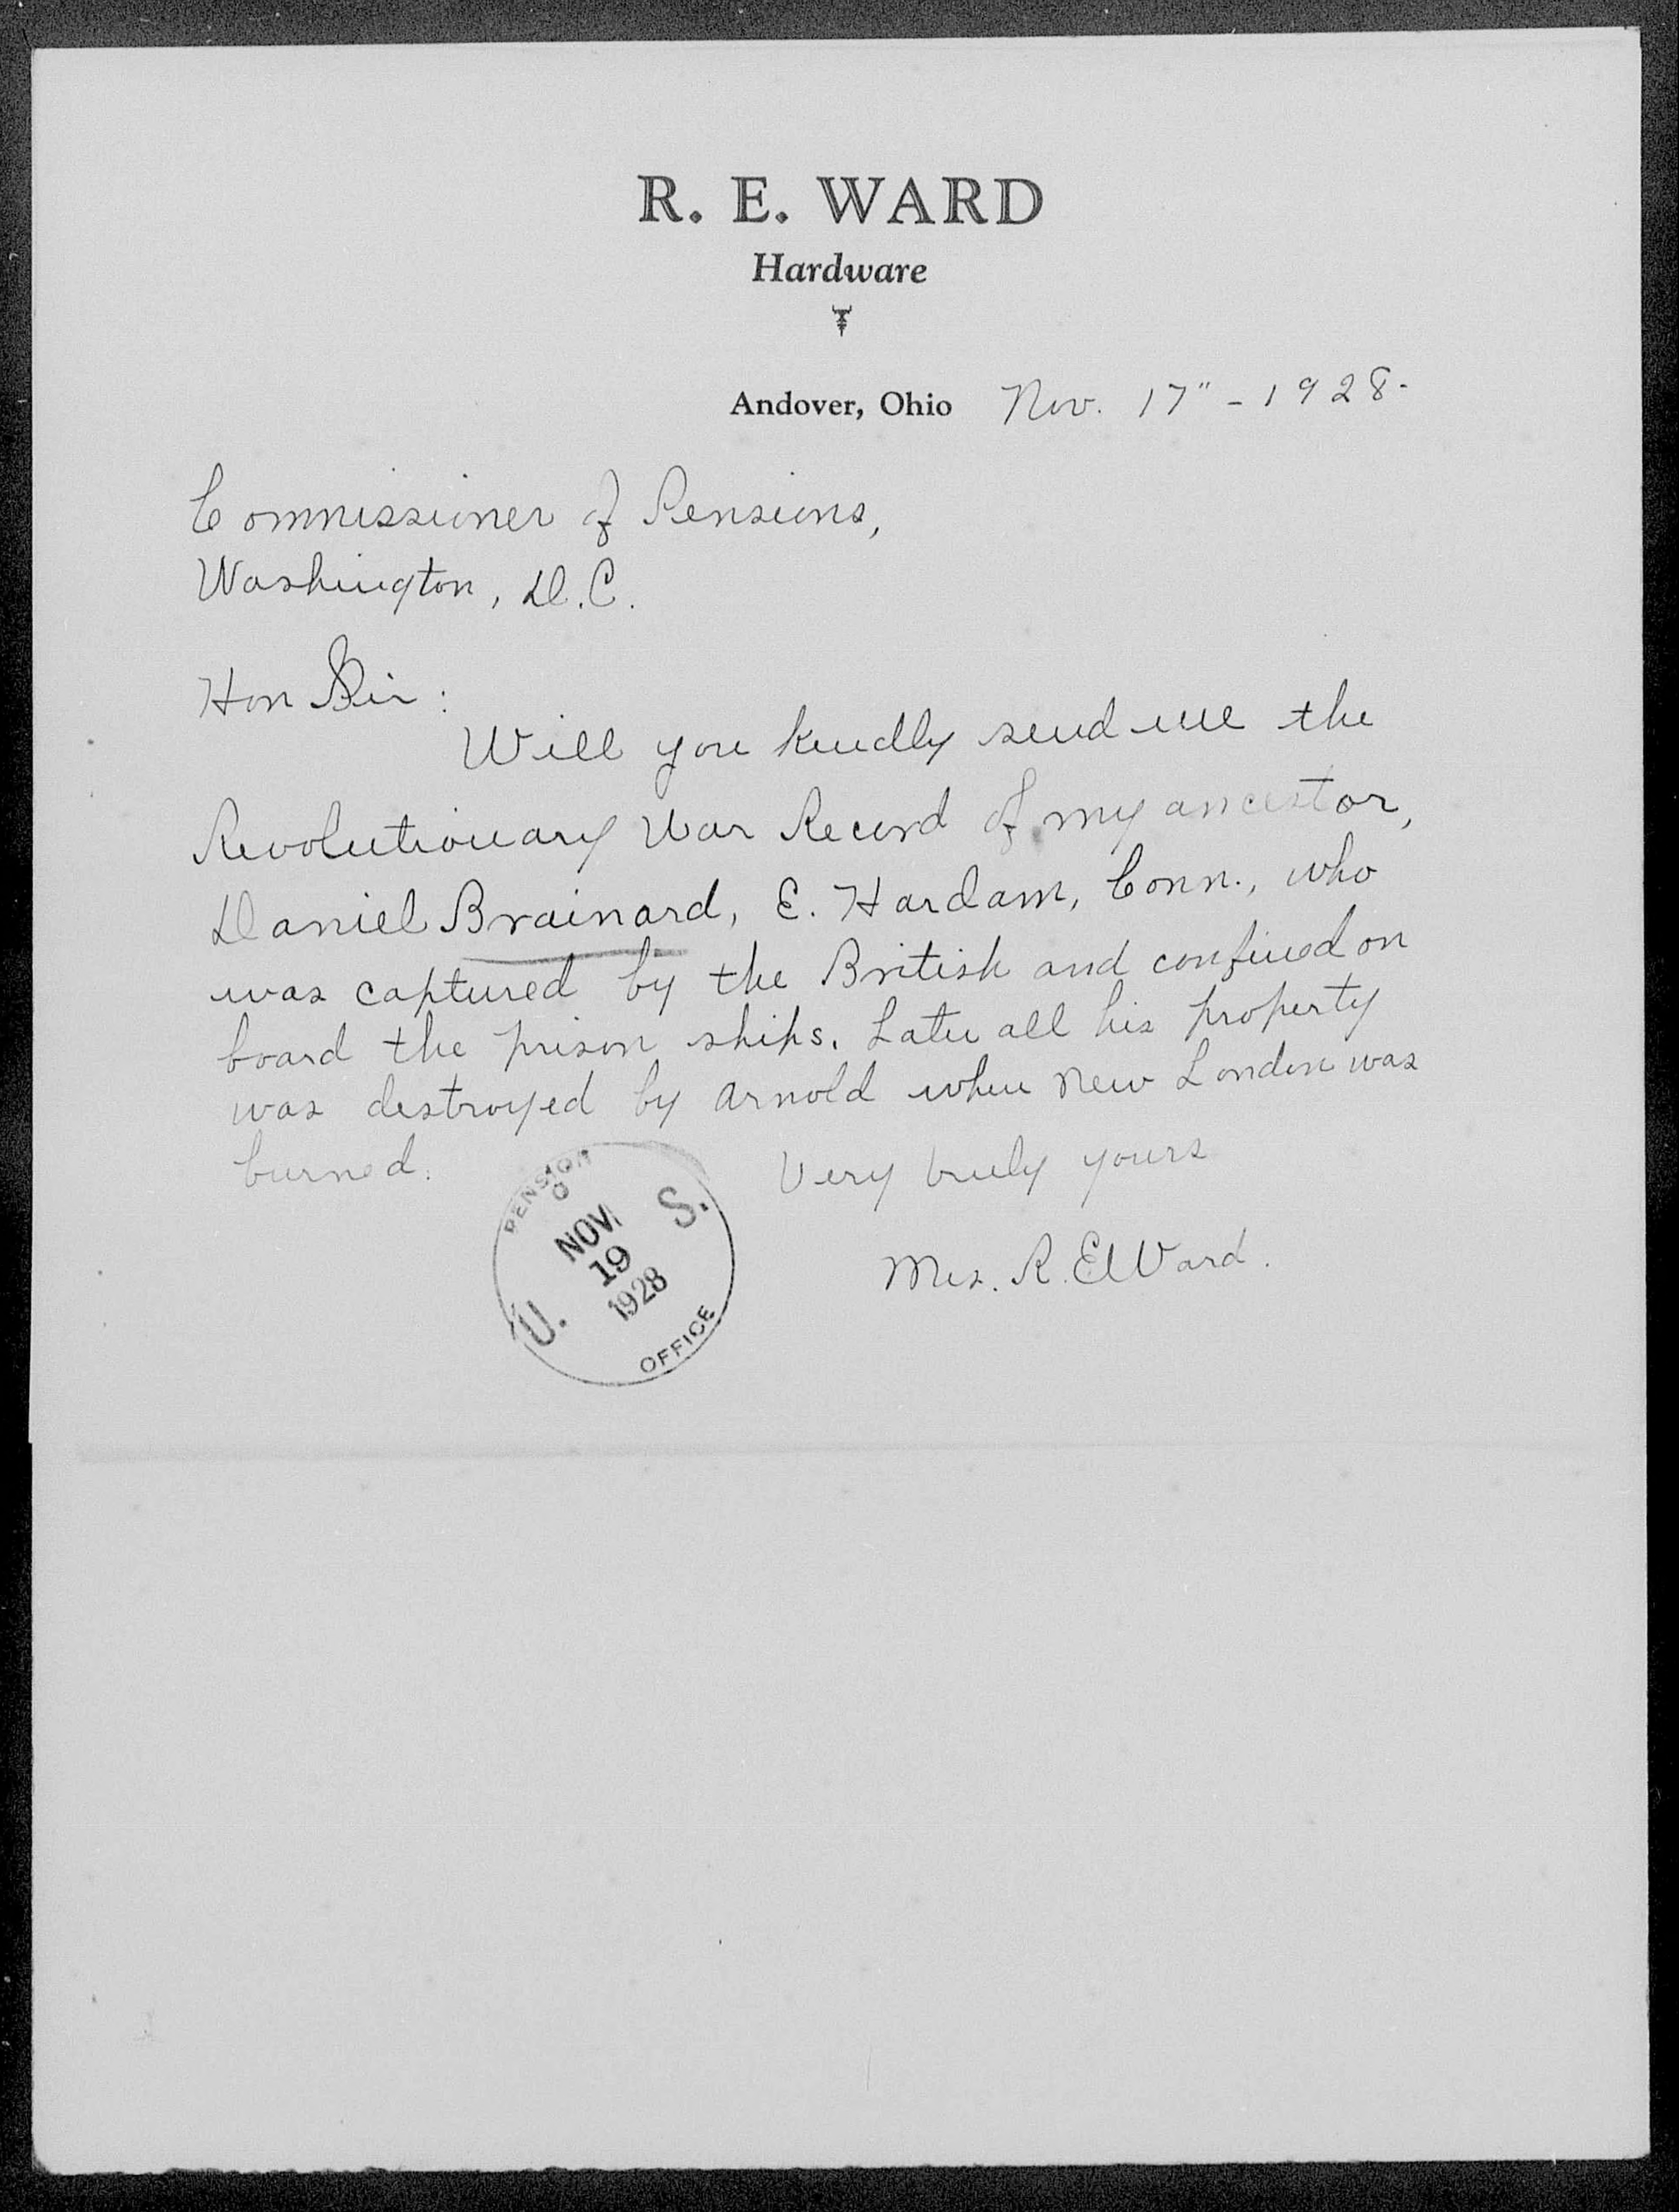Andover, Ohio
Nov. 17 1928
Commisioner of Pensions,
Washington DC
Hon Sir:
Will you kindly send me the Revolutionary War record of my ancestor, Daniel Brainard, E. Hadam, Conn., who was captured by the British and confined on board the prison ships. Later all his property was destroyed by Arnold when New London was burned.
Very truly yours
Mrs. R. E Ward
Nov. 19 1928 PENSION OFFICE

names: Daniel Brainard, R E Ward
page: 23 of 30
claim: survivor's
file: S. 3099, Daniel Brainard, Conn. Privateer